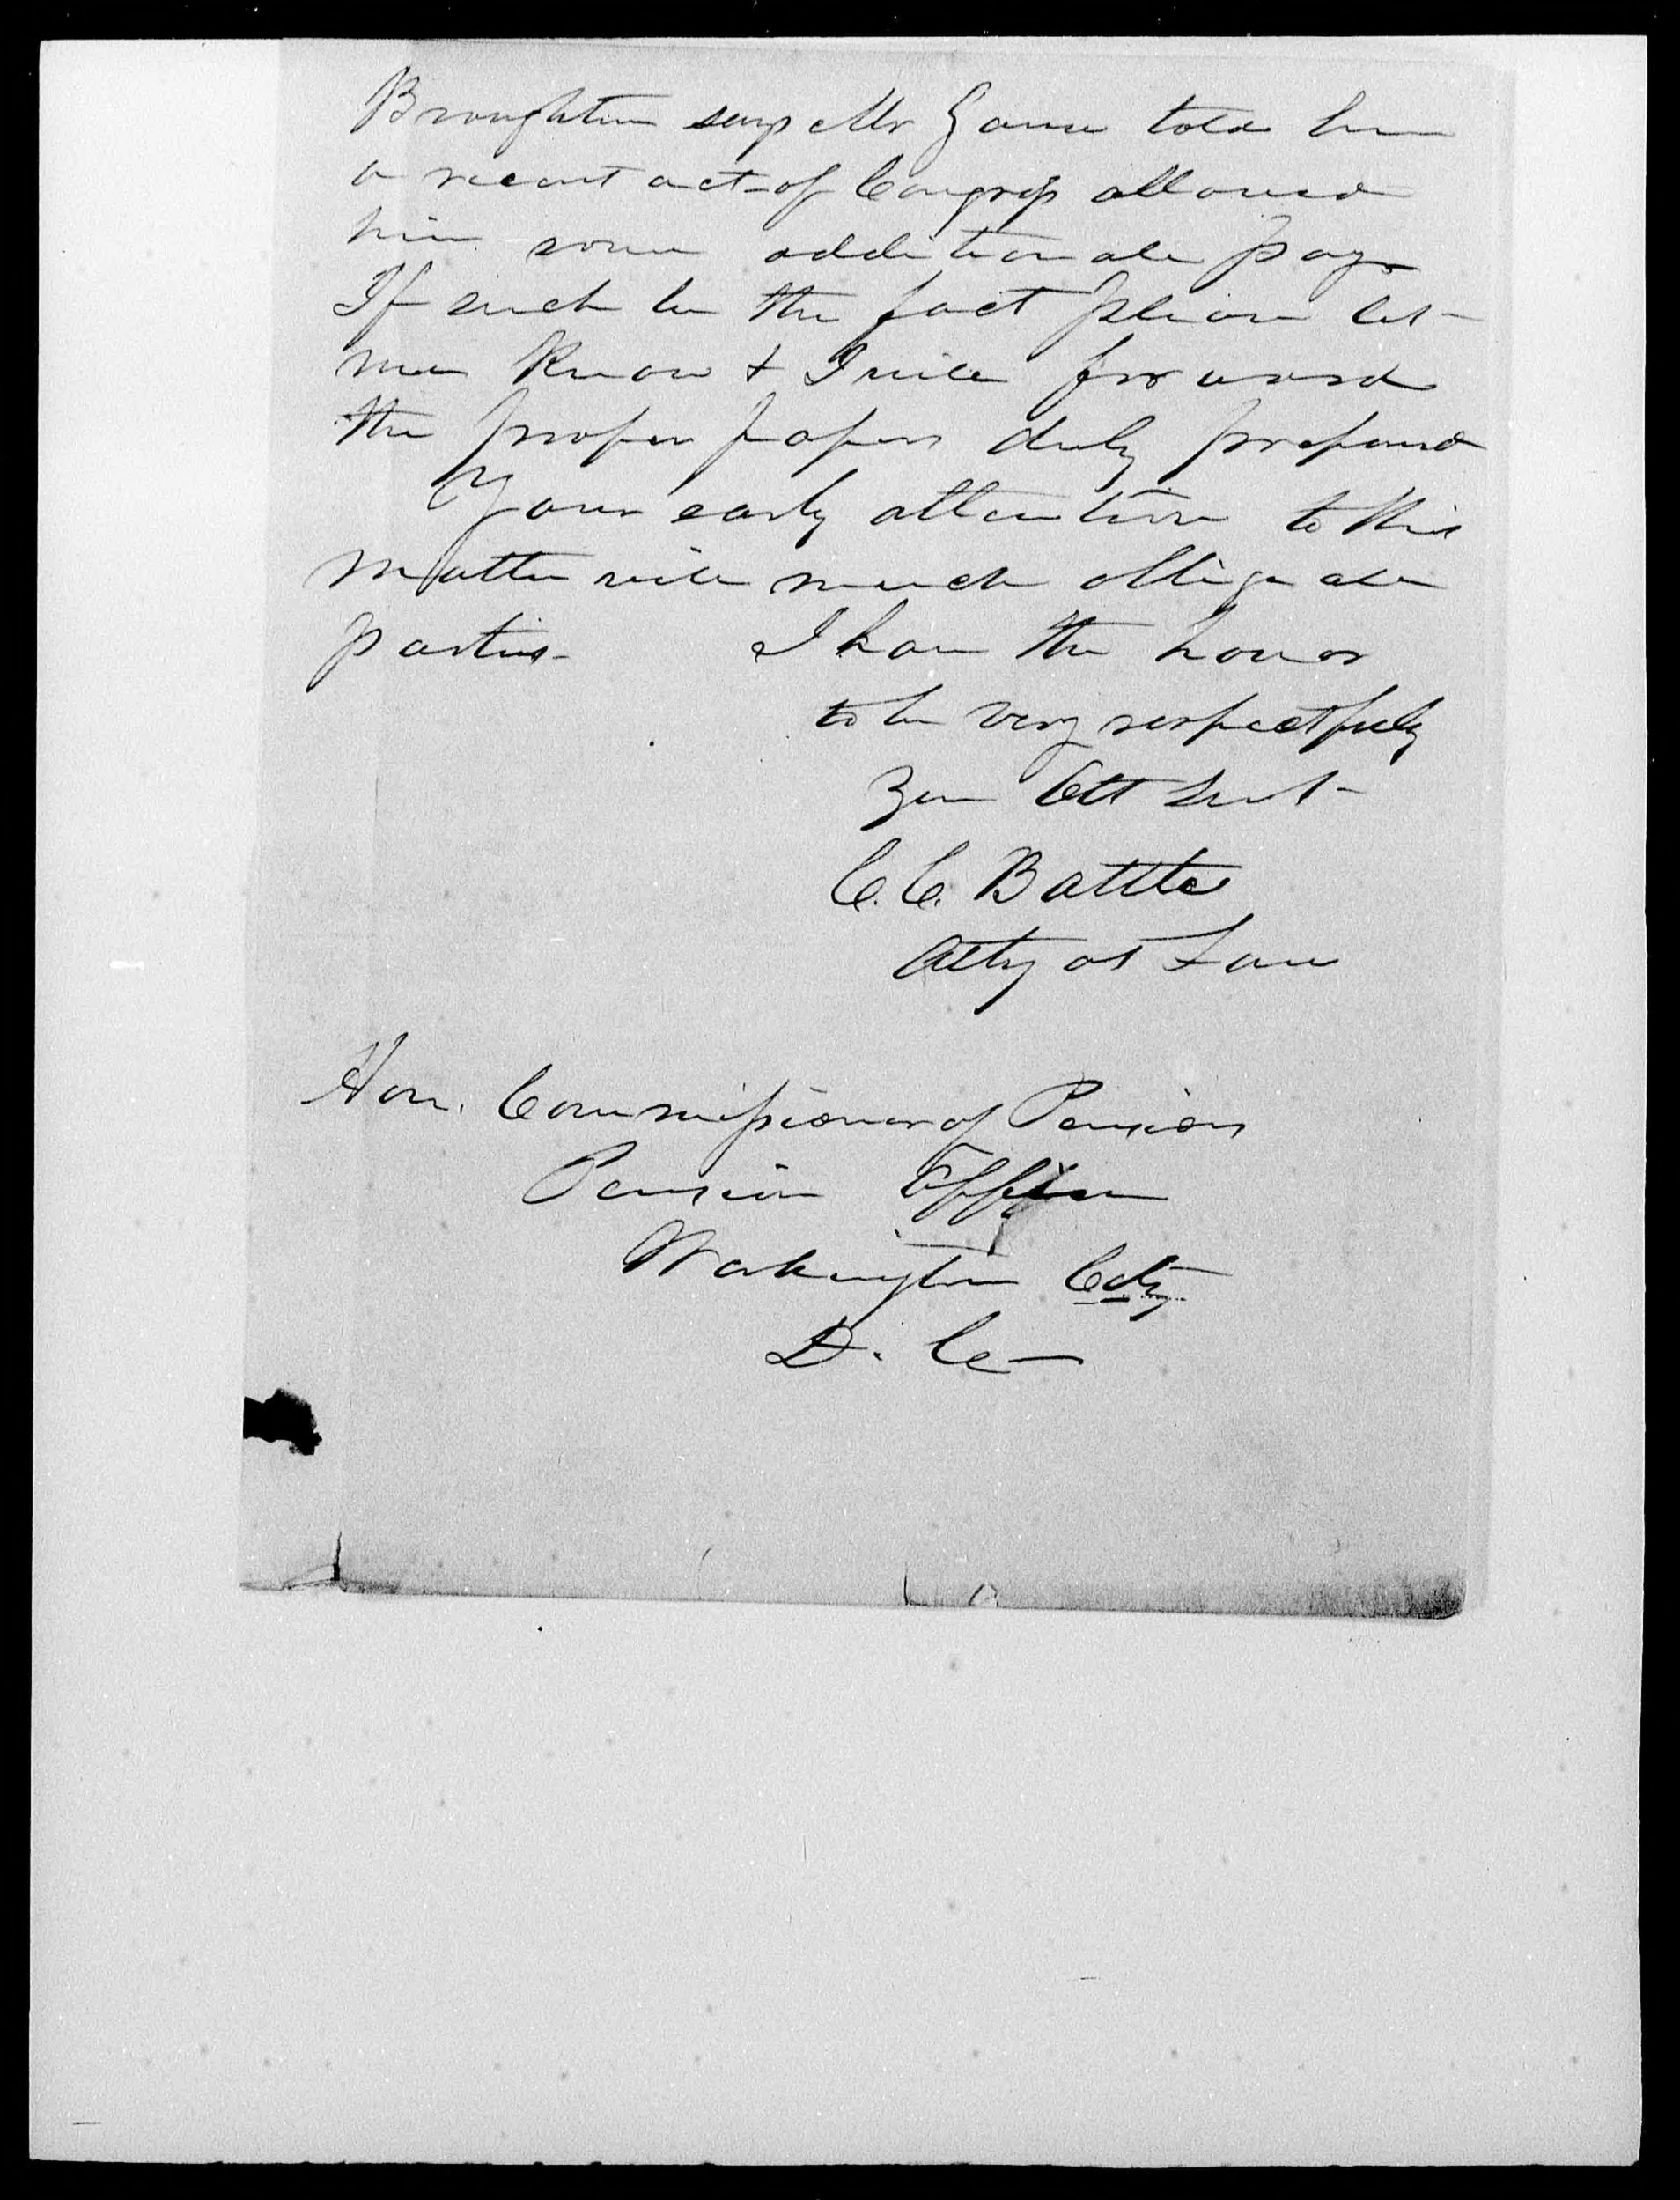Broughton says Mr Gause told her a recent act of Congress allowed him some additional pay. If such be the fact please let me know & I will forward the proper papers duly prepared.
Your early attention to this matter will much oblige all parties.
I have the honor
to be very respectfuly
Yr Obt Servt
C. C. Battle
Atty of Law

Hon. Commissioner of Pensions
Pension Office
Washington City
D. C.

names: Gause, C C Battle, Broughton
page: 61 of 72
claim: widow's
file: W. 897, Thomas Broughton, S.C.